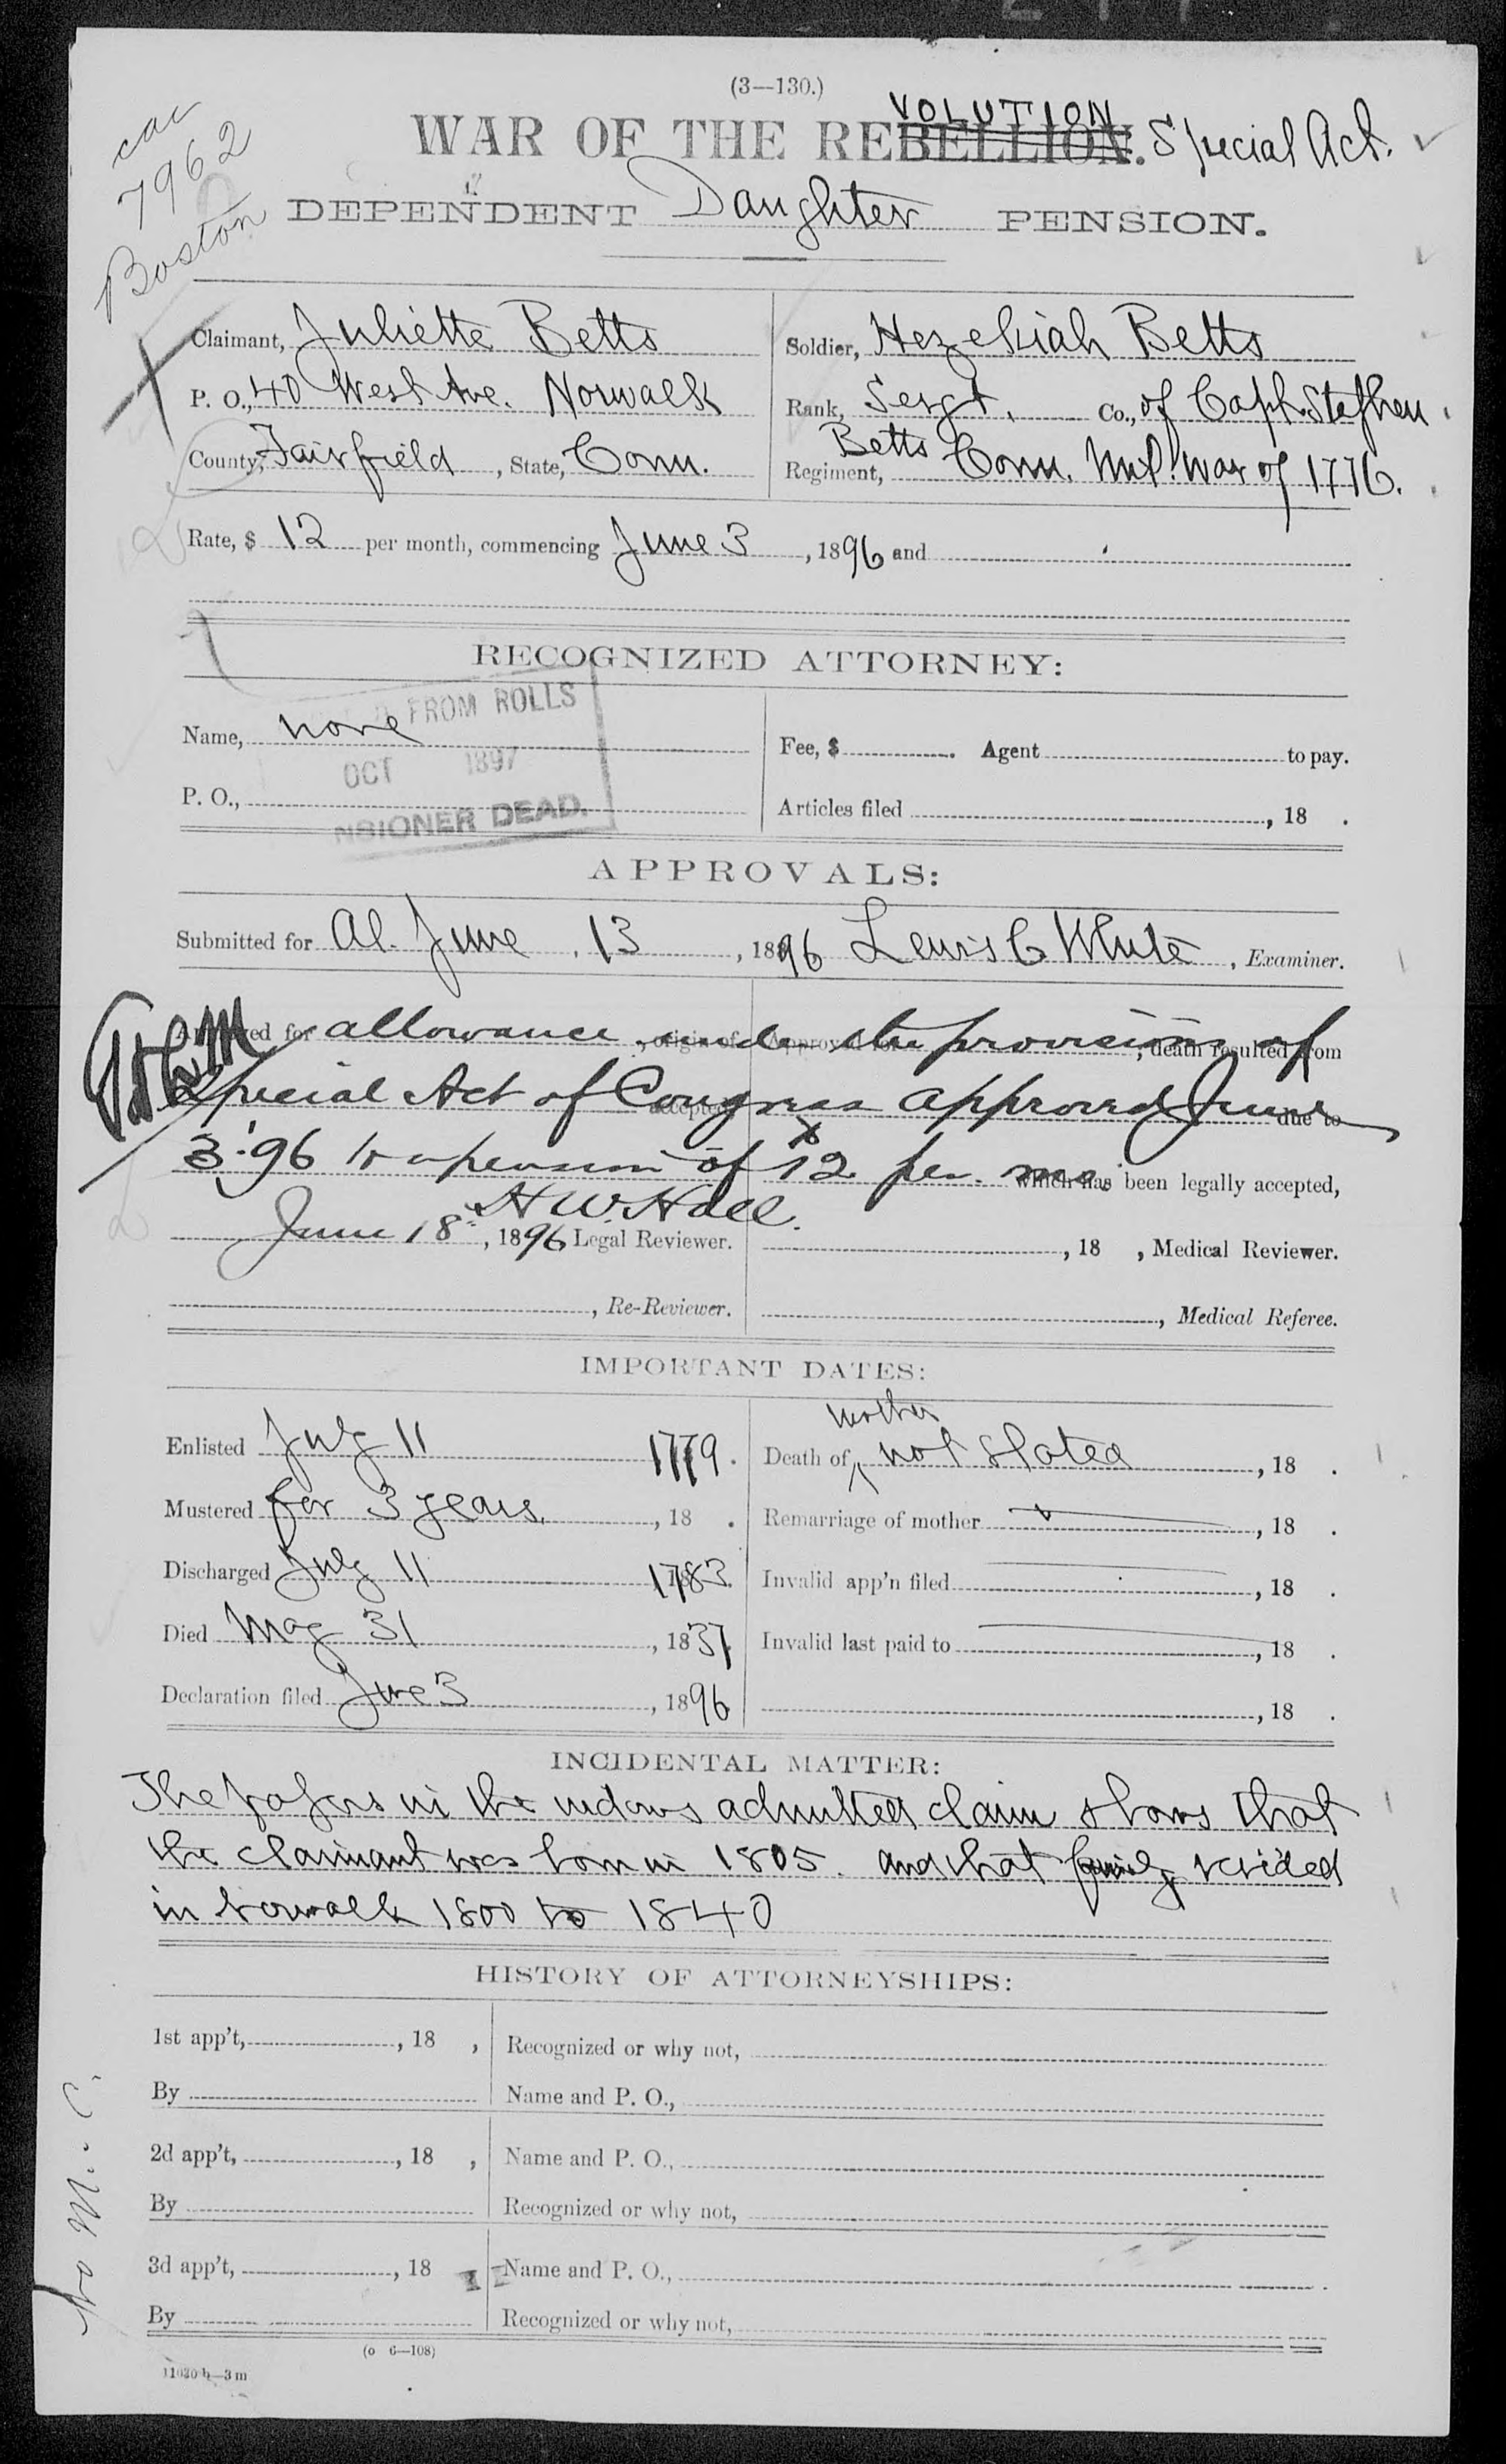cac
7962
Boston
(3-130)
WAR OF THE REVOLUTION Special Act
DEPENDENT Daughter PENSION
Claimant, Juliette Betts
P.O., 40 West Ave., Norwalk
County, Fairfield, State, Conn.
Soldier, Hezekiah Betts
Rank, Sergt, Co., of Capt Stephen Betts
Regiment, Conn MP War of 1776
Rate $12 per month, commencing June 3, 1896 and
RECOGNIZED ATTORNEY:
Name, none
P.O.,
Fee $                   Agent             to pay
Articles filed                                , 18
APPROVALS
Submitted for al. June 13, 1896 Lewis C White, Examiner Approved for allowance, send the provisions of special Act of Congress approved June 3 '96 to a pension of $12 per mo which has been legally adopted, June 18, 1896. Legal Reviewer                                , 18    , Medical Reviewer                                , Re-Reviewer.
                              , Medical Referee
IMPORTANT DATES
Enlisted July 11, 1779
Mustered for 3 years 
Discharged July 11, 1783
Died May 31, 1837
Declaration filed June 3, 1896
Death mother not stated
Remarriage of mother
Invalid app'n filed
Invalid last paid to
INCIDENTAL MATTER
The papers in the widows admitted claim shows that the claimant was born in 1805 and that family resided in Norwalk 1800 to 1840
HISTORY OF ATTORNEYSHIPS
1st app't,                     18
By
Recognized or why not,
Name and P.O.,
2d app't                       18
By
Name and P.O.,
Recognized or why not
3d app't                       18
By
Name and P.O.,
Recognized or why not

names: H W Hall, Lewis C White, Stephen Betts, Juliette Betts, Hezekiah Betts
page: 59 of 61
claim: widow's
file: W. 29,929, Hezekiah Betts, Conn.